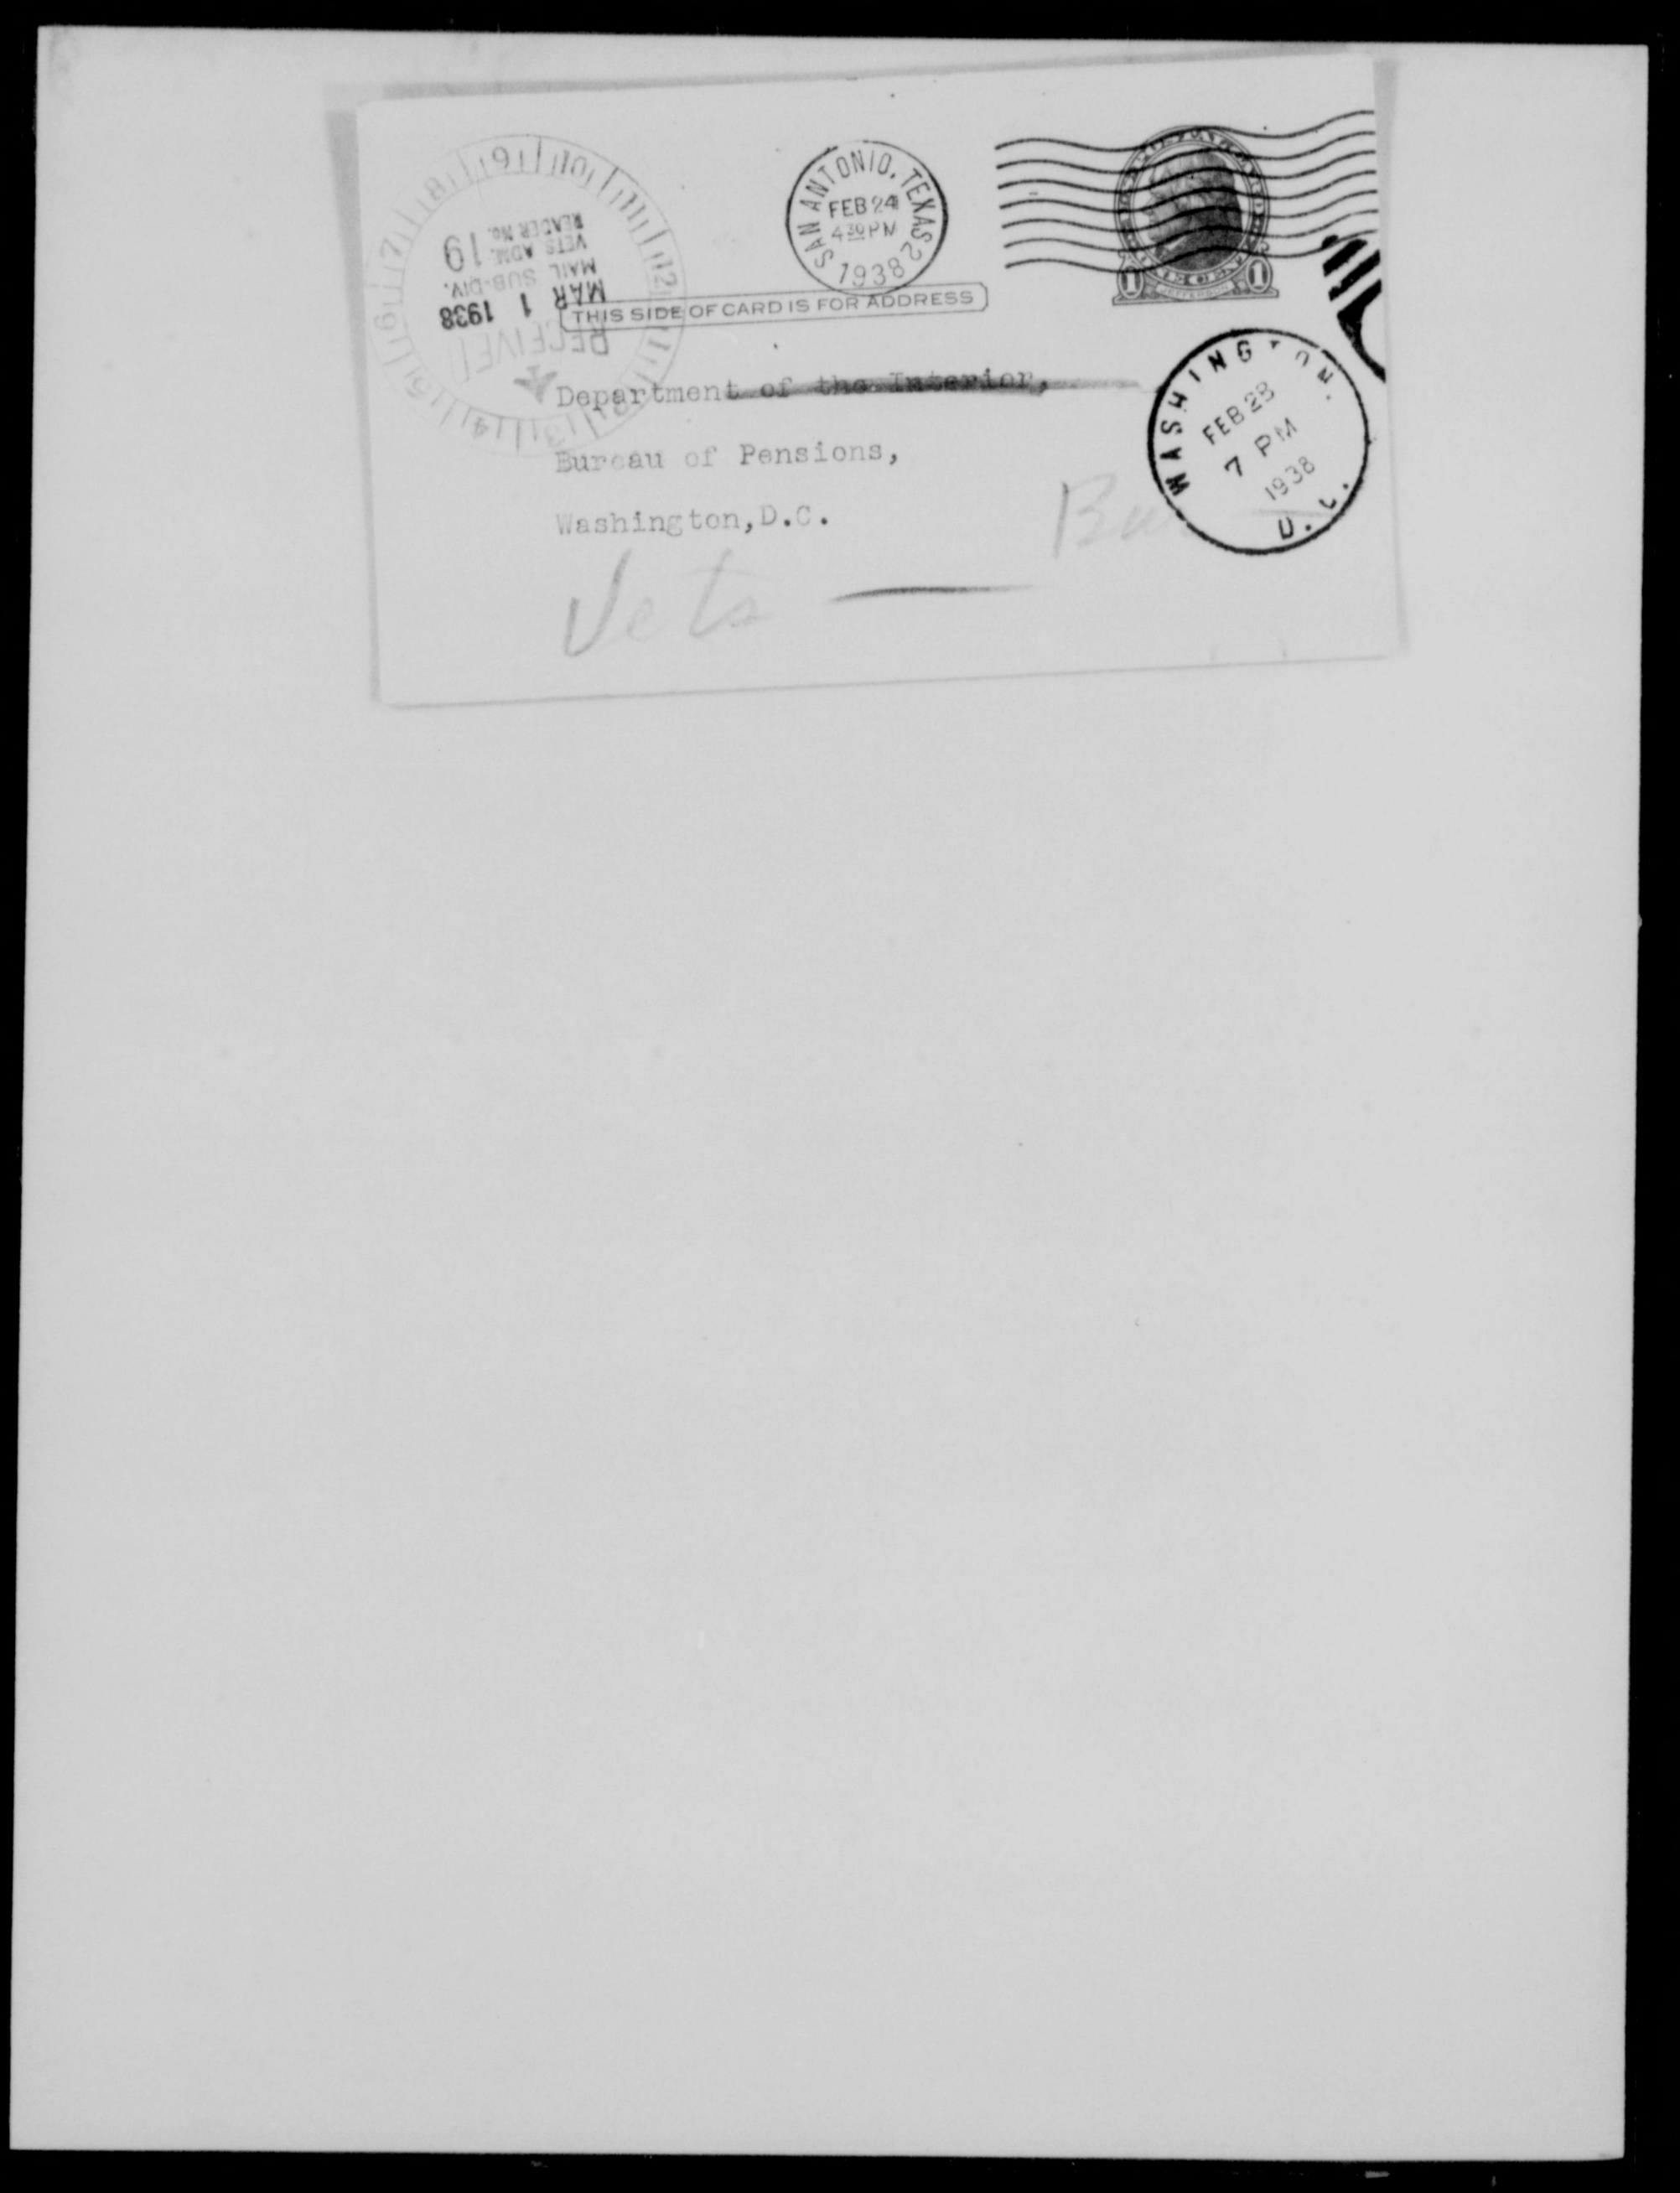WASHINGTON DC FEBRUARY 23 1938
SAN ANTONIO TEXAS FEBRUARY 24 1938
RECEIVED MARCH 1 1939 
DEPARTMENT OF THE INTERIOR
BUREAU OF PENSIONS
WASHINGTON DC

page: 89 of 100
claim: widow's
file: W. 6437, Richard Wells, Ga Va.